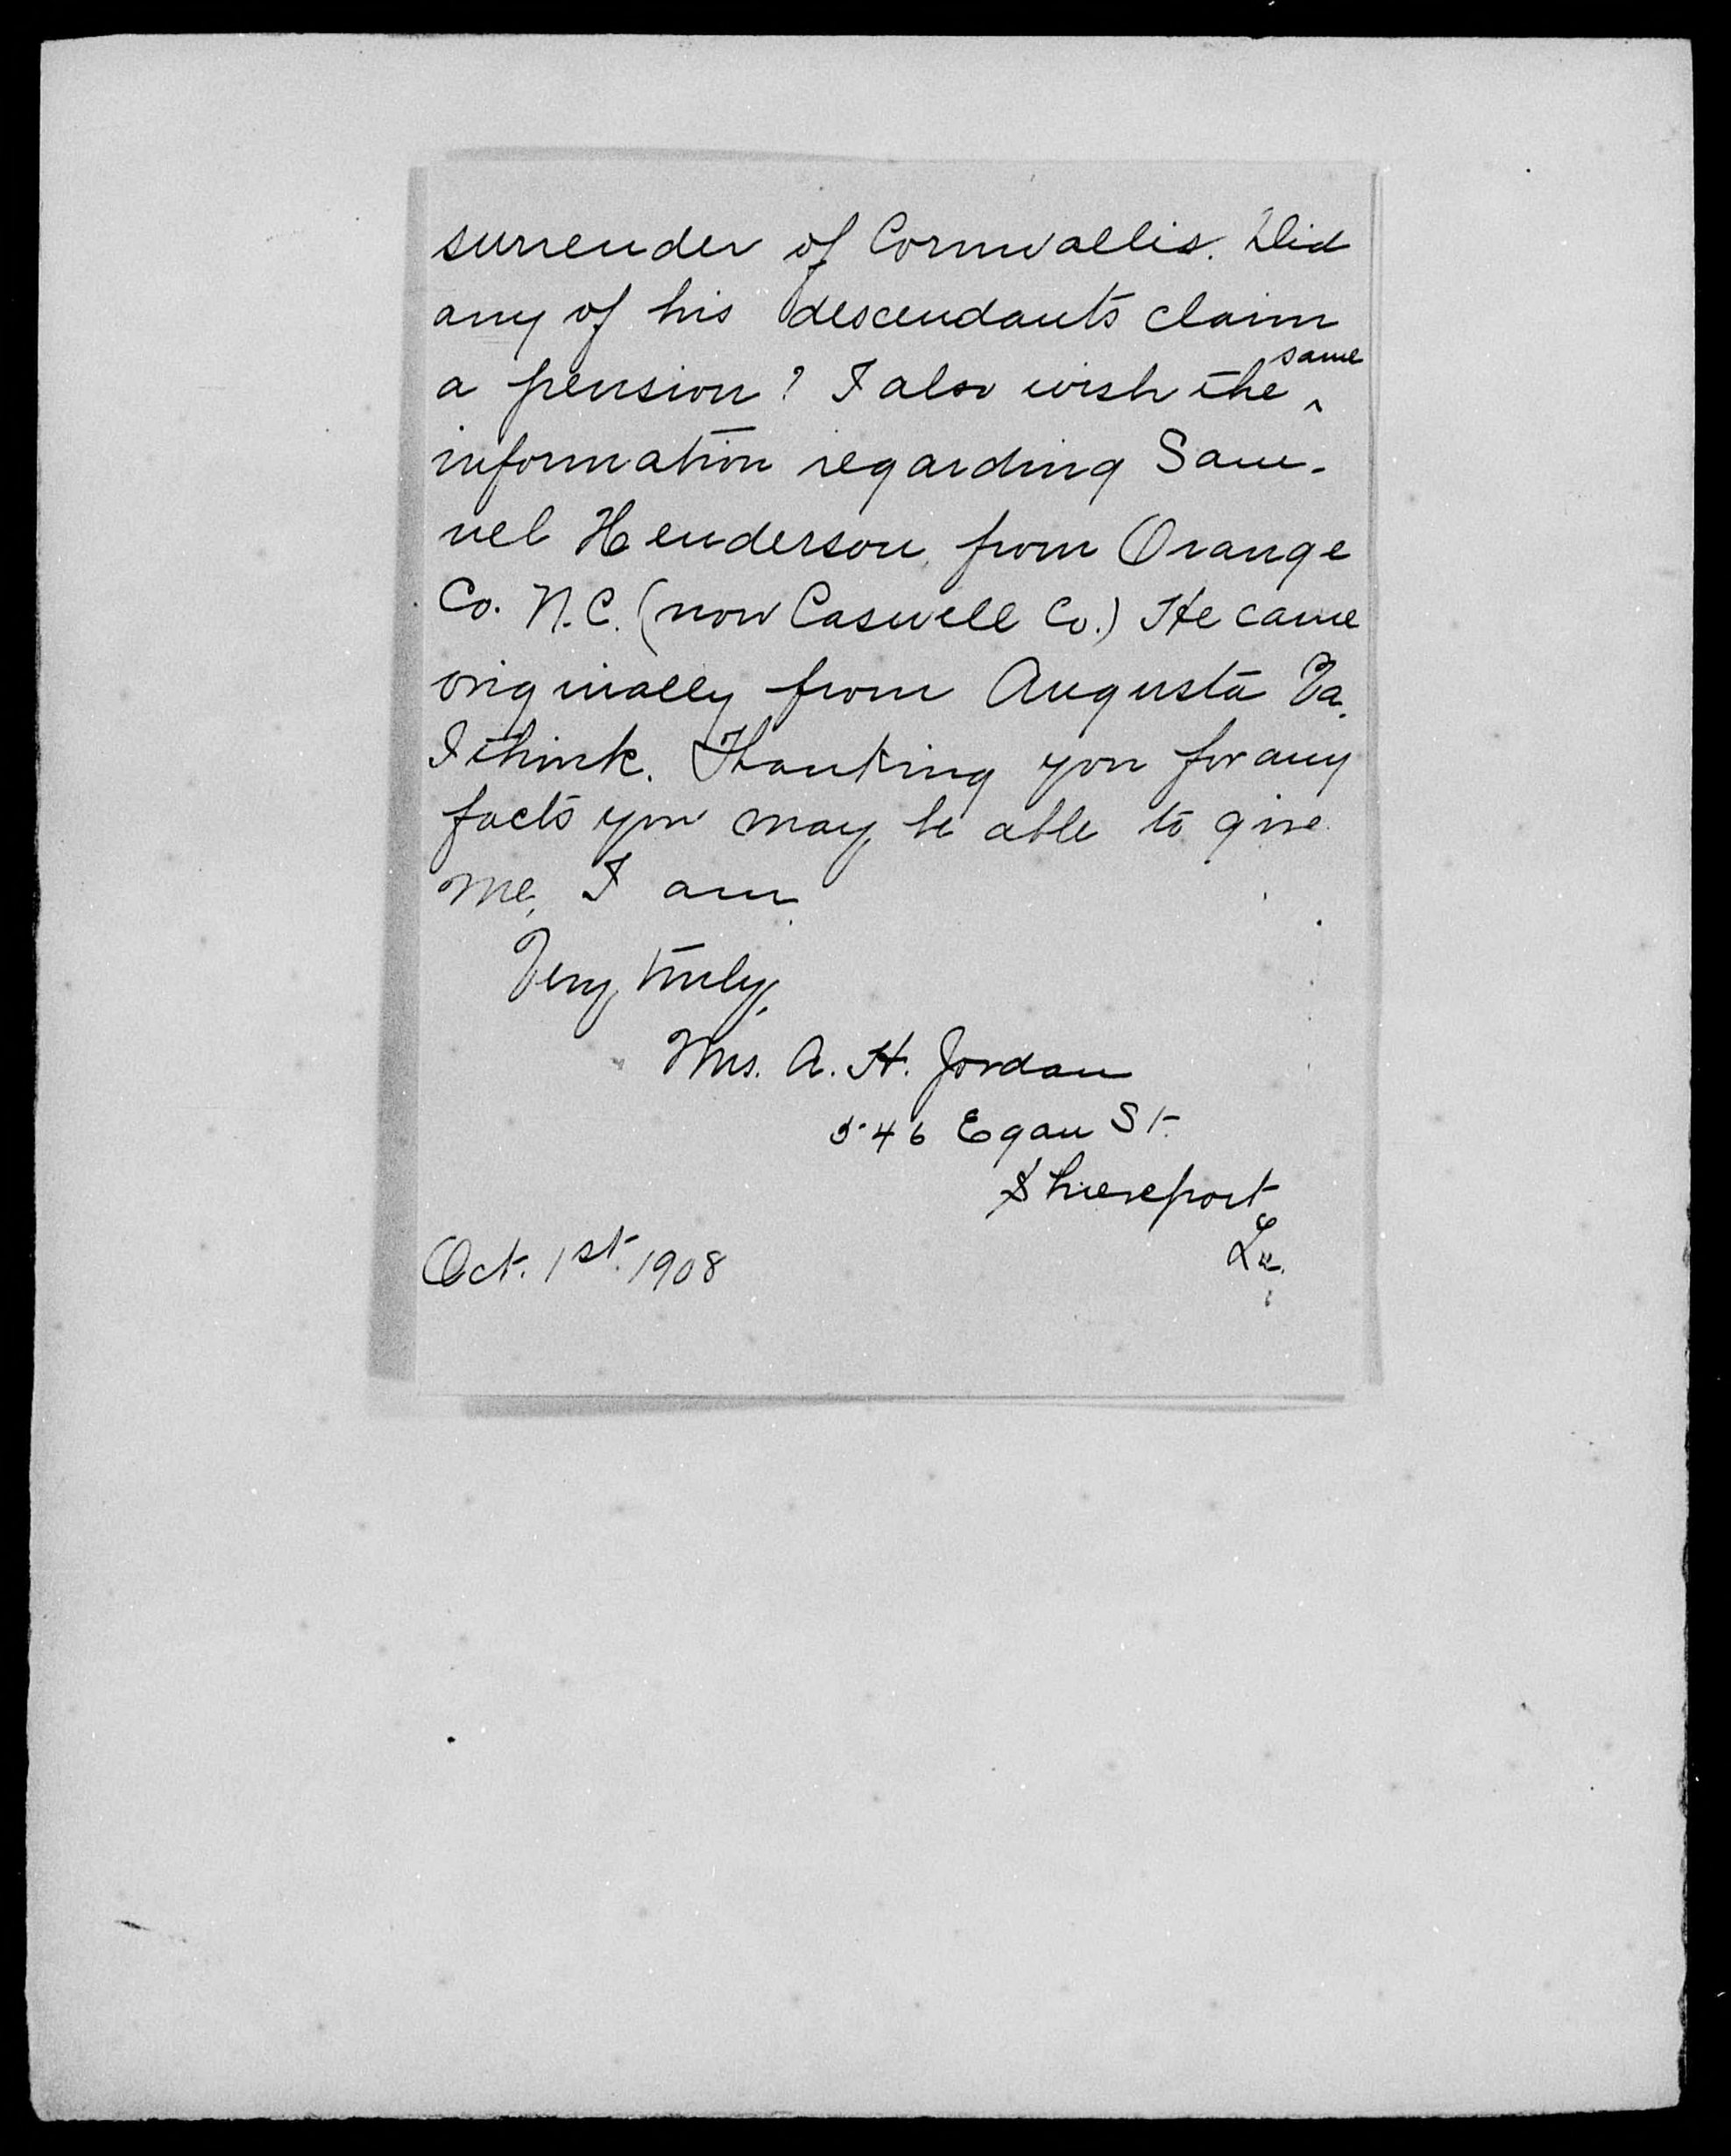surrender of Cornwallis.  Did any of his descendants claim a pension?  I also wish the same information regarding Samuel Henderson from Orange Co. N.C. (now Caswell Co.)  He came originally from Augusta Va. I think.  Thanking you for any facts you may be able to give me, I am
Very truly,
Ms. A.H. Jordan
546 Egan St.
Shreveport, La.
Oct. 1st 1908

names: Samuel Henderson, Cornwallis, A H Jordan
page: 19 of 58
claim: survivor's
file: S. 6,941, Starling Gunn, Continental Va.